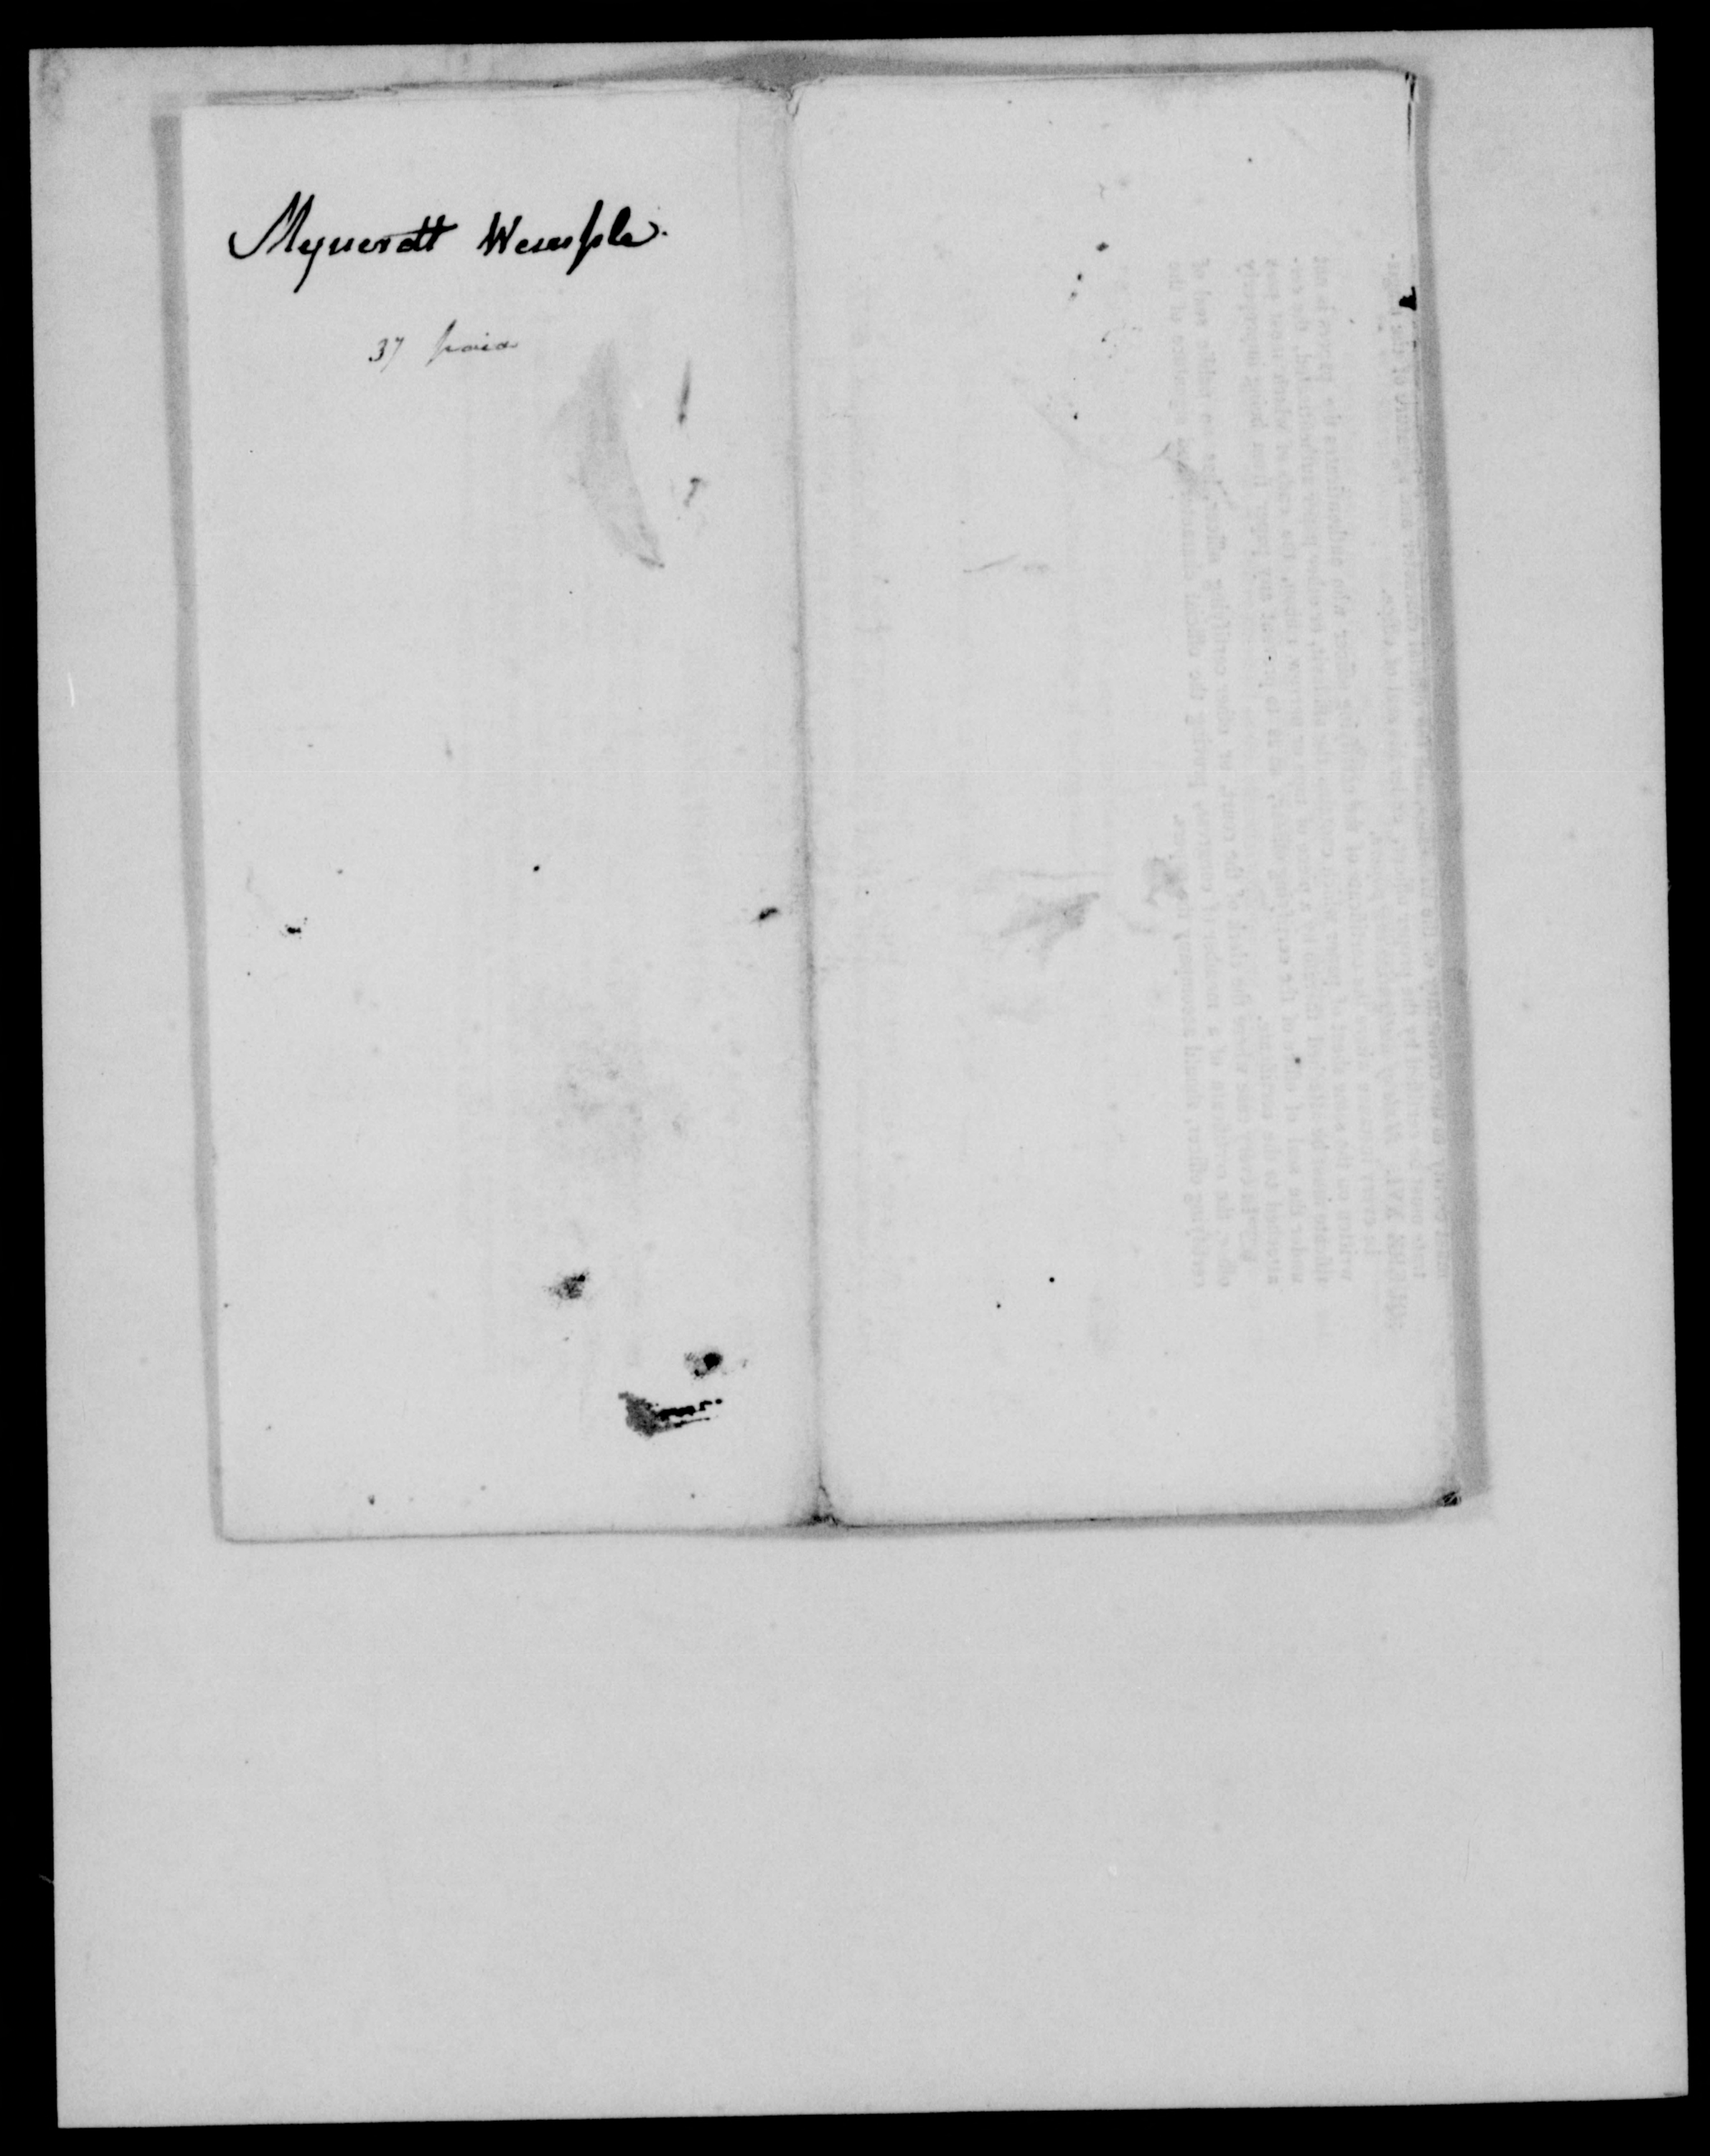Mynerdt(Myndert) Wemple

37 paid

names: Mynerdt Wemple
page: 32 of 51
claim: widow's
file: W. 19604, Myndert B Wemple, New York